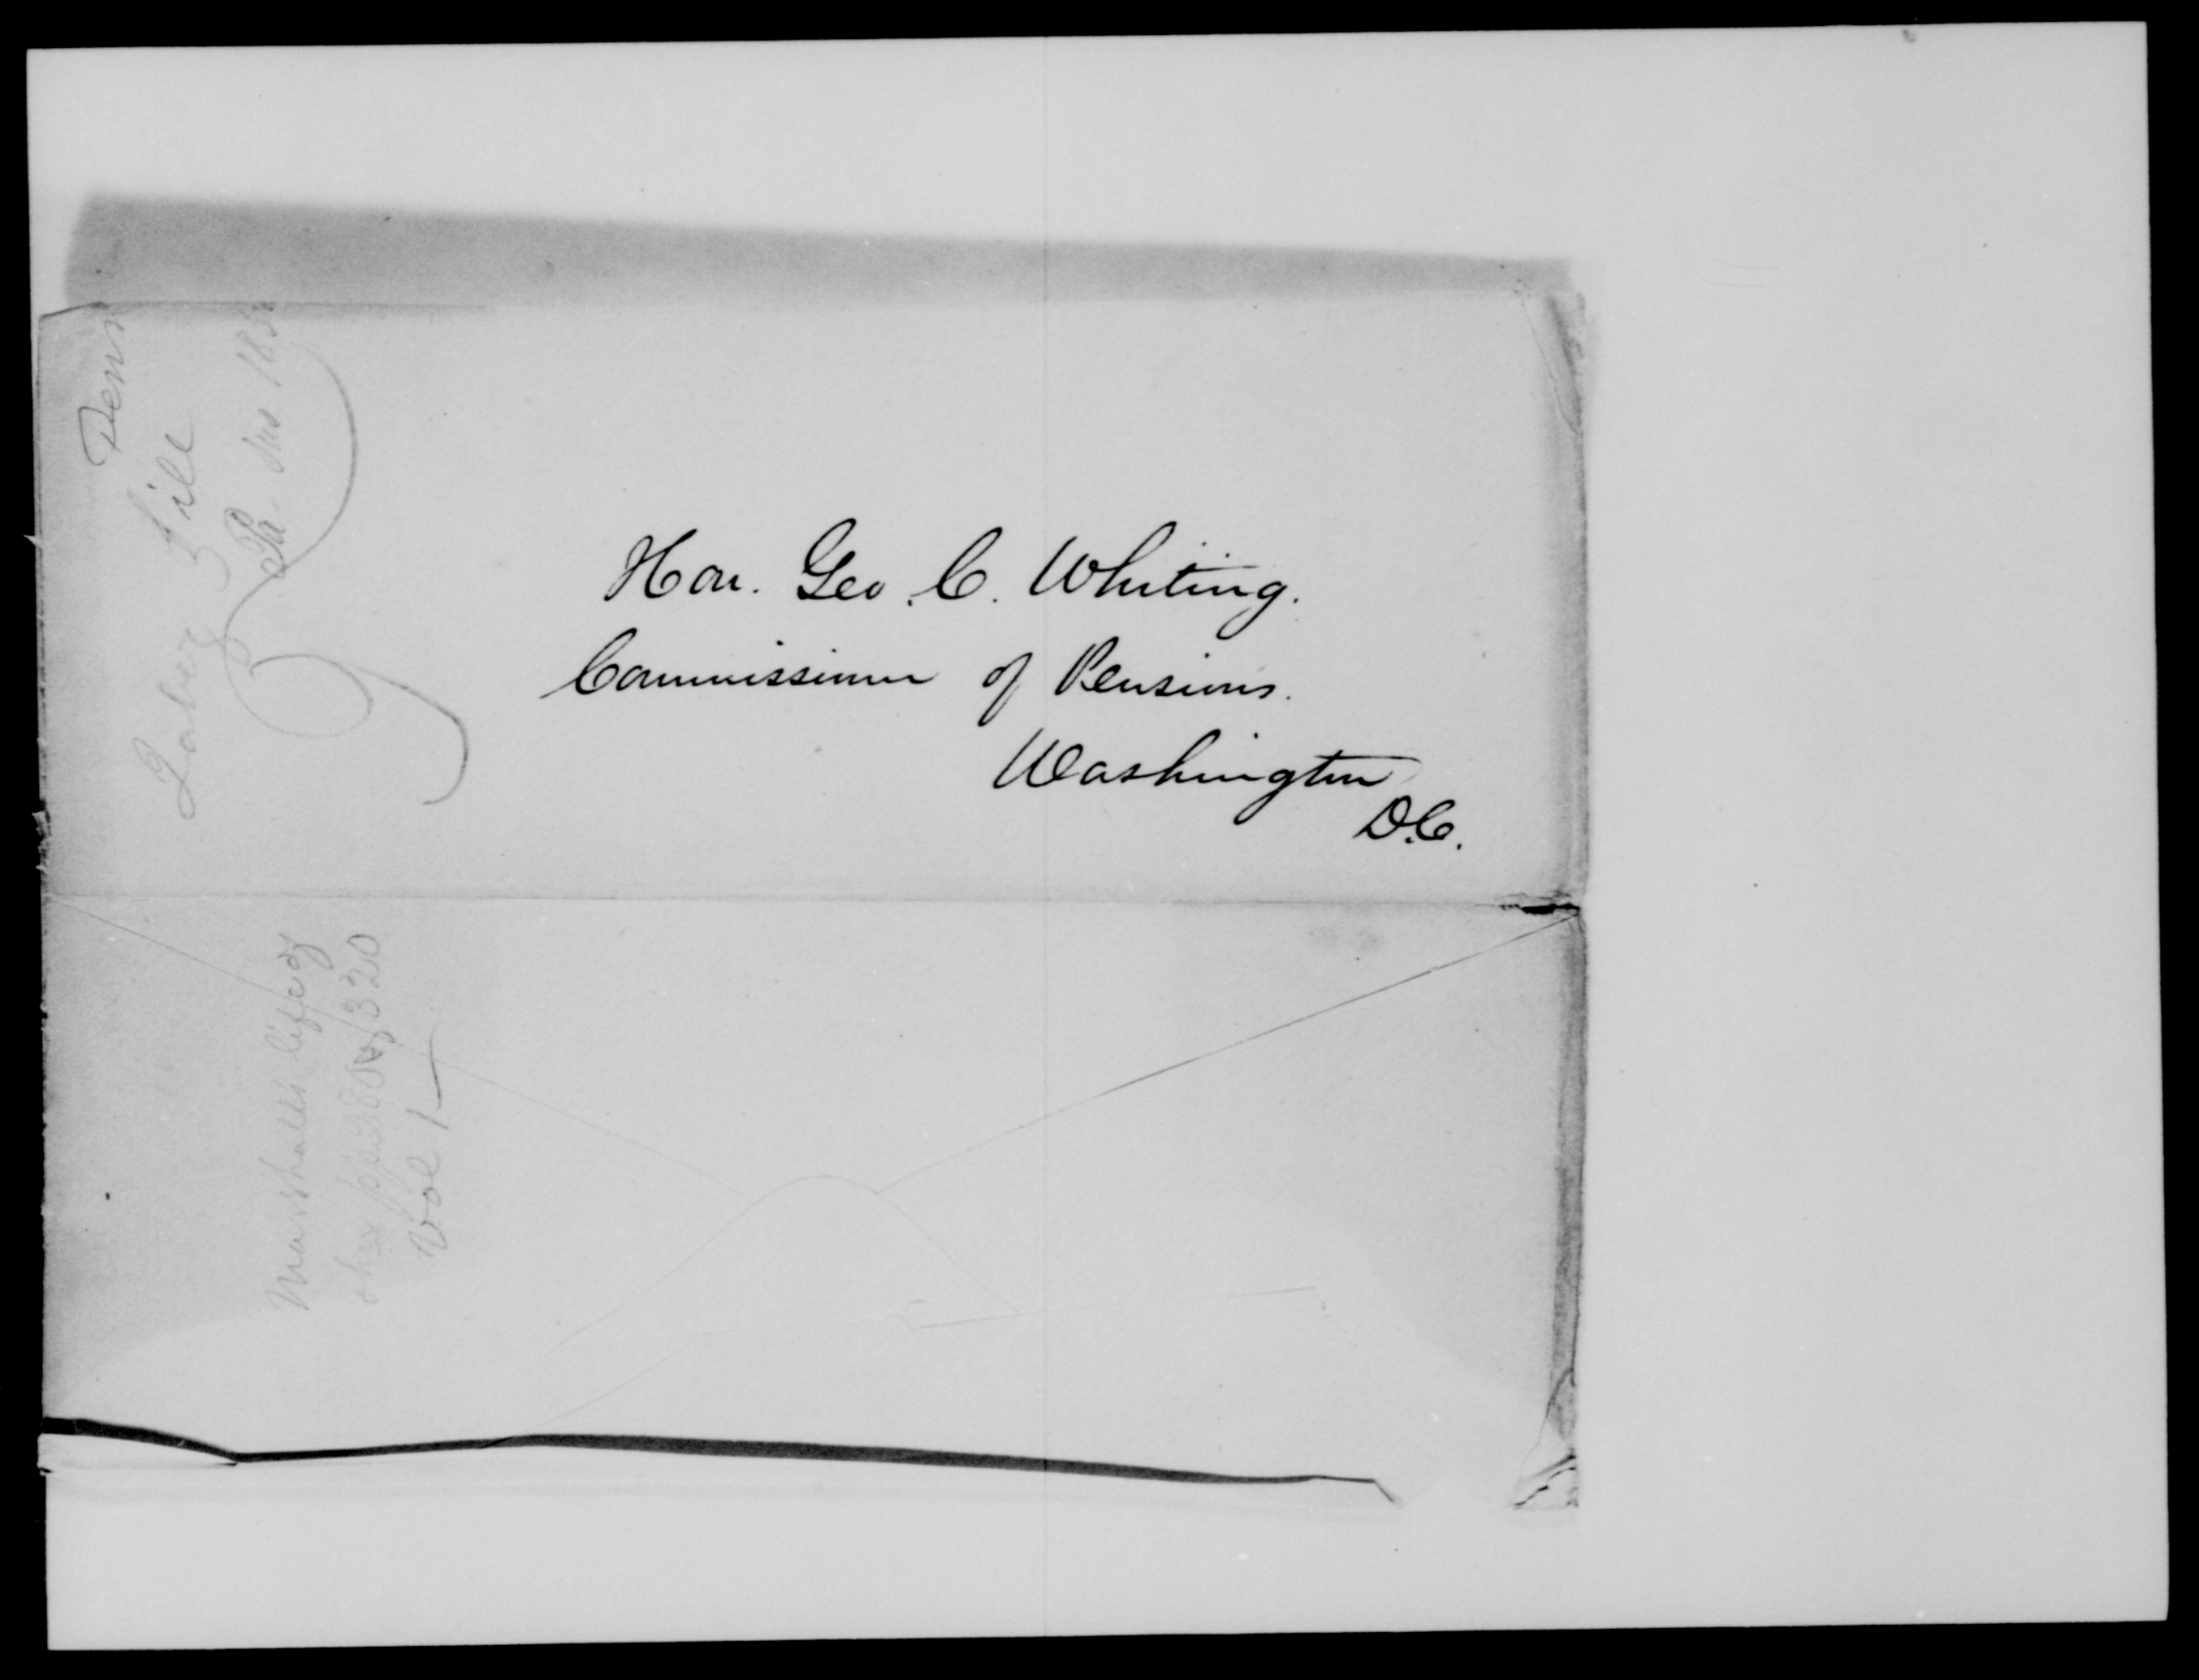Hon. Geo. C. Whiting
Commissioner of Pensions
Washington D.C.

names: Jabez Sill; [BLANK] Marshall; Geo C Whiting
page: 16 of 29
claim: rejected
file: R. 9570, for Jabez Sill, Connecticut